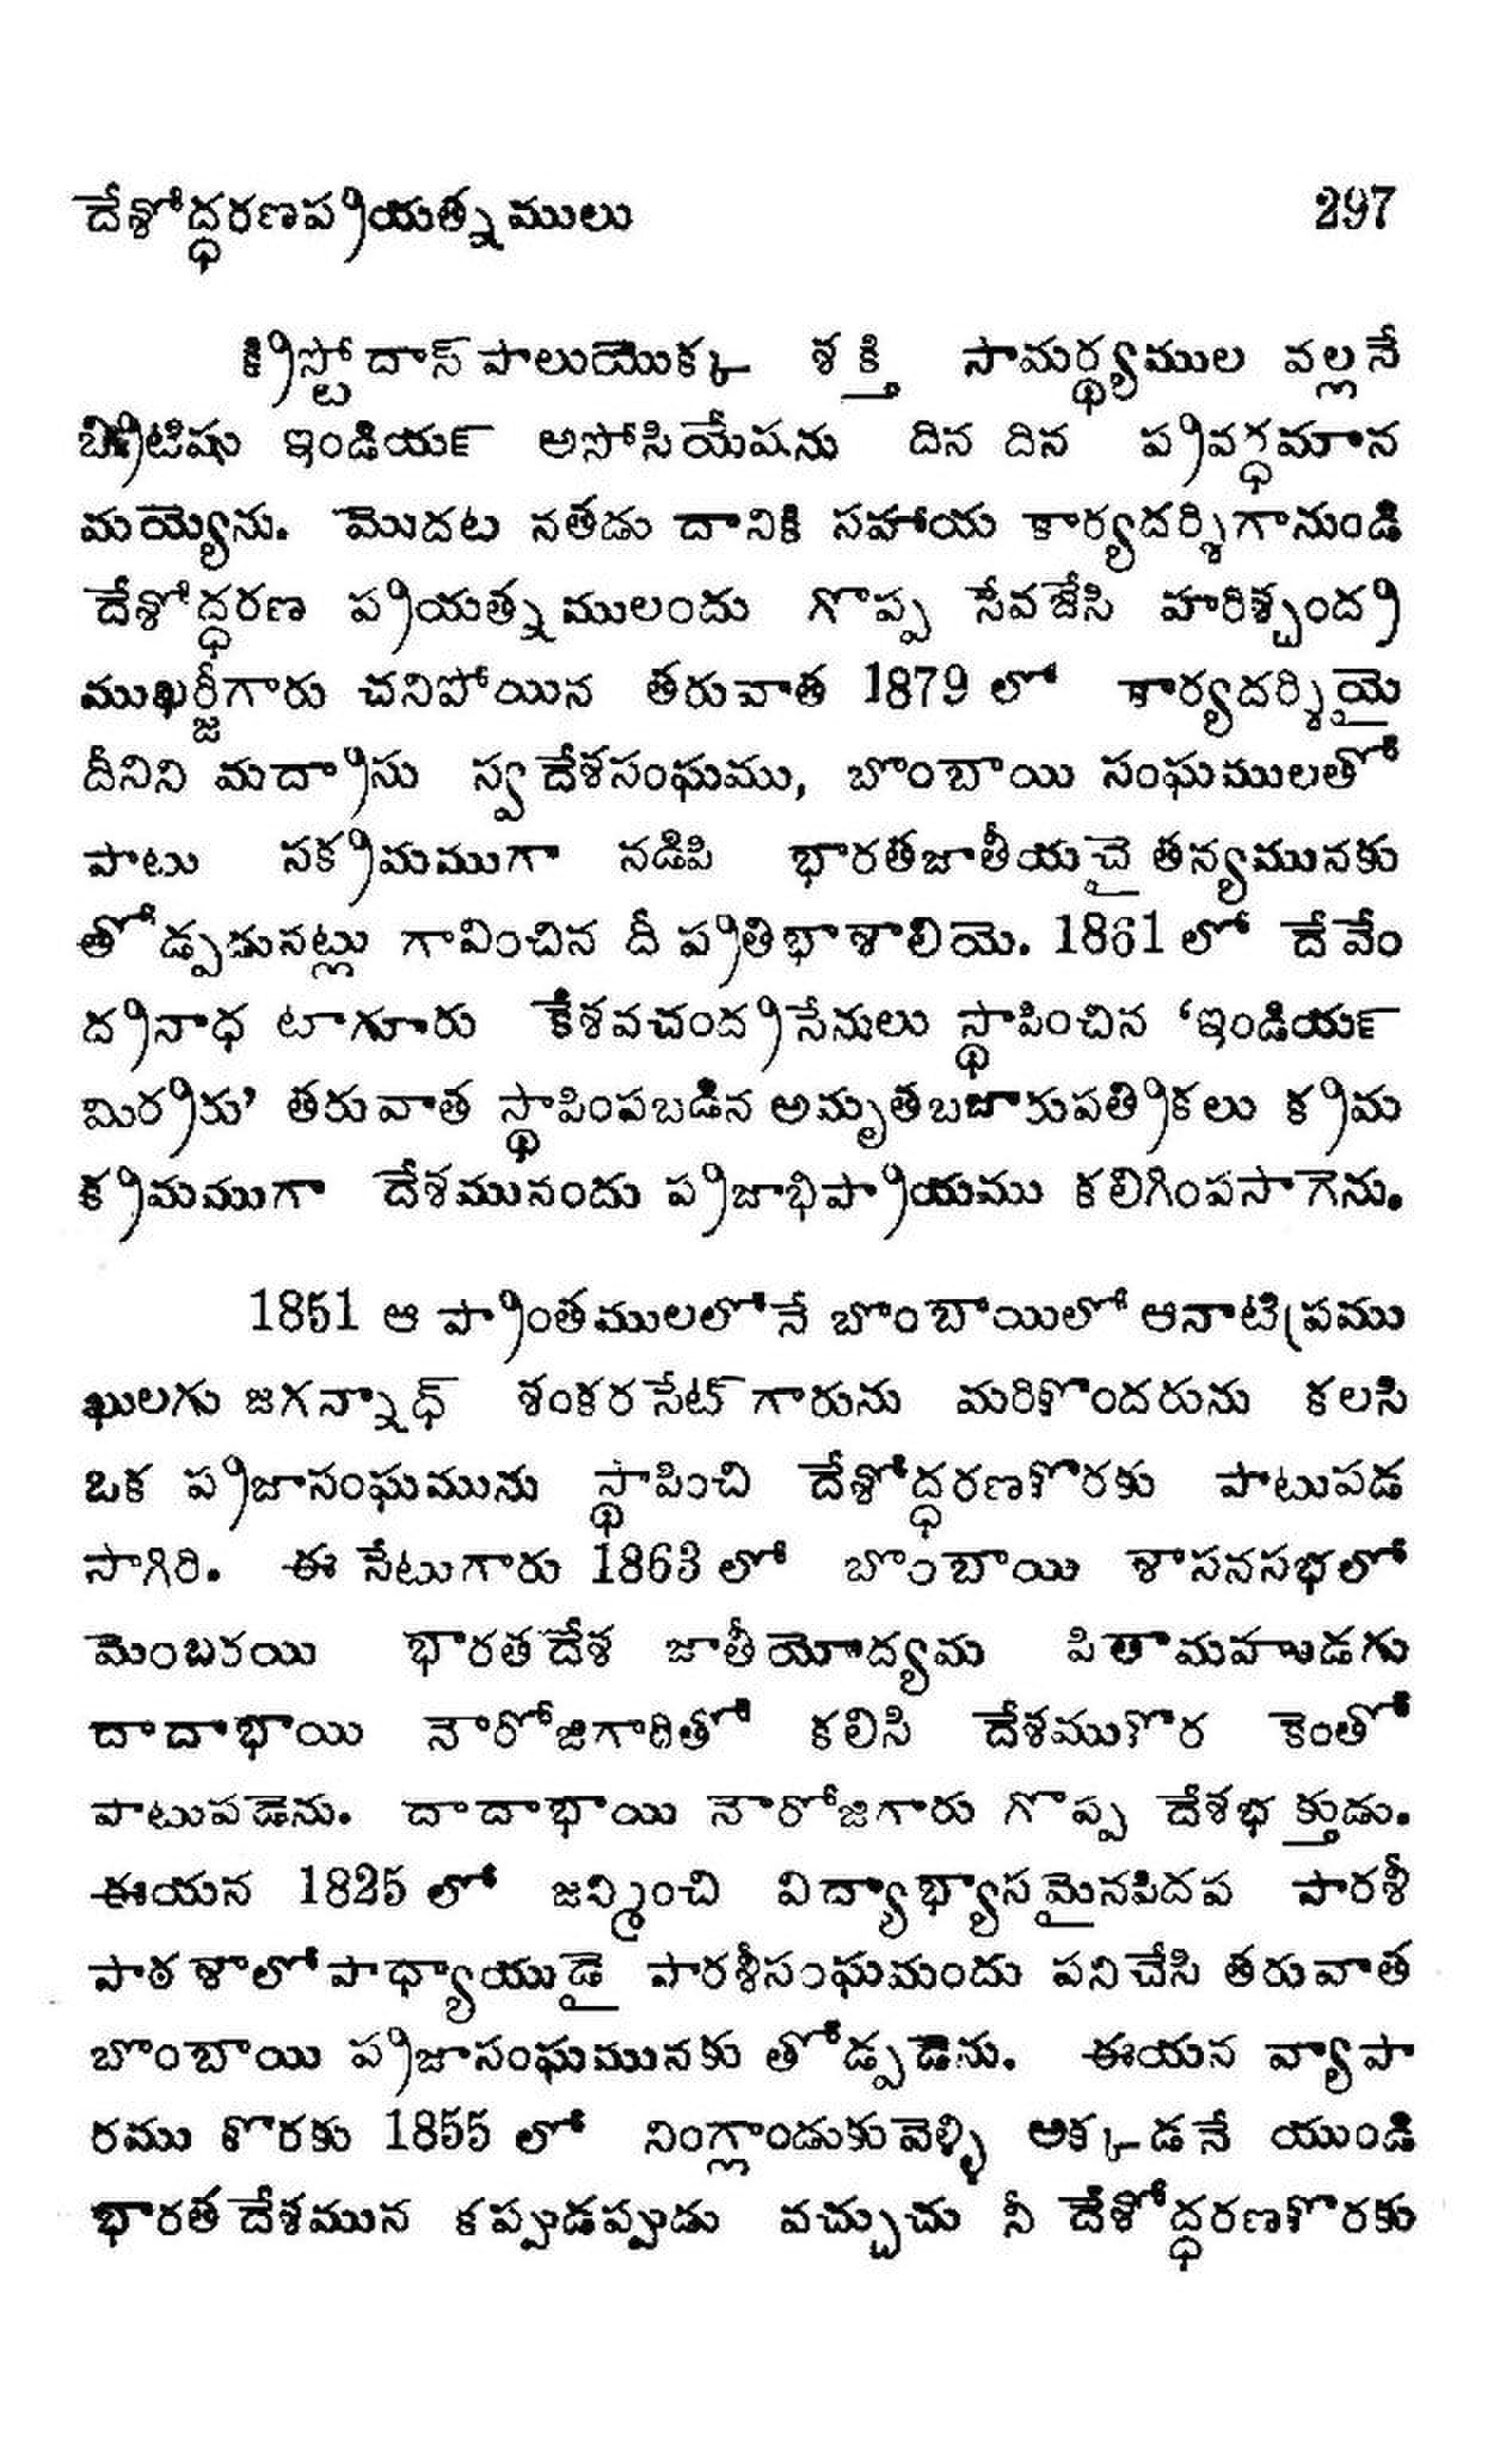క్రిస్టోదాస్‌పాలుయొక్క శక్తి సామర్థ్యముల వల్లనే బ్రిటిషు ఇండియ౯ అసోసియేషను దిన దిన ప్రవర్ధమాన మయ్యెను. మొదట నతడు దానికి సహాయ కార్యదర్శిగానుండి దేశోద్ధరణ ప్రయత్నములందు గొప్ప సేవజేసి హరిశ్చంద్ర ముఖర్జీగారు చనిపోయిన తరువాత 1879 లో కార్యదర్శియై దీనిని మద్రాసు స్వదేశసంఘము, బొంబాయి సంఘములతో పాటు సక్రమముగా నడిపి భారతజాతీయచైతన్యమునకు తోడ్పడునట్లు గావించిన దీ ప్రతిభాశాలియె. 1861 లో దేవేంద్రనాధ టాగూరు కేశవచంద్రసేనులు స్థాపించిన 'ఇండియ౯ మిర్రరు' తరువాత స్థాపింపబడిన అమృతబజారుపత్రికలు క్రమక్రమముగా దేశమునందు ప్రజాభిప్రాయము కలిగింపసాగెను.

1851 ఆ ప్రాంతములలోనే బొంబాయిలో ఆనాటిప్రముఖులగు జగన్నాధ్ శంకరసేట్ గారును మరికొందరును కలసి ఒక ప్రజాసంఘమును స్థాపించి దేశోద్ధరణకొరకు పాటుపడసాగిరి. ఈ సేటుగారు 1863 లో బొంబాయి శాసనసభలో
మెంబరయి భారతదేశ జాతీయోద్యమ పితామహుడగు దాదాభాయి నౌరోజిగారితో కలిసి దేశముకొర కెంతో పాటుపడెను. దాదాభాయి నౌరోజిగారు గొప్ప దేశభక్తుడు. ఈయన 1825 లో జన్మించి విద్యాభ్యాసమైనపిదప పారశీ పాఠశాలోపాధ్యాయుడై పారశీసంఘమందు పనిచేసి తరువాత బొంబాయి ప్రజాసంఘమునకు తోడ్పడెను. ఈయన వ్యాపారము కొరకు 1855 లో నింగ్లాండుకువెళ్ళి అక్కడనే యుండి భారతదేశమున కప్పుడప్పుడు వచ్చుచు నీ దేశోద్ధరణకొరకు